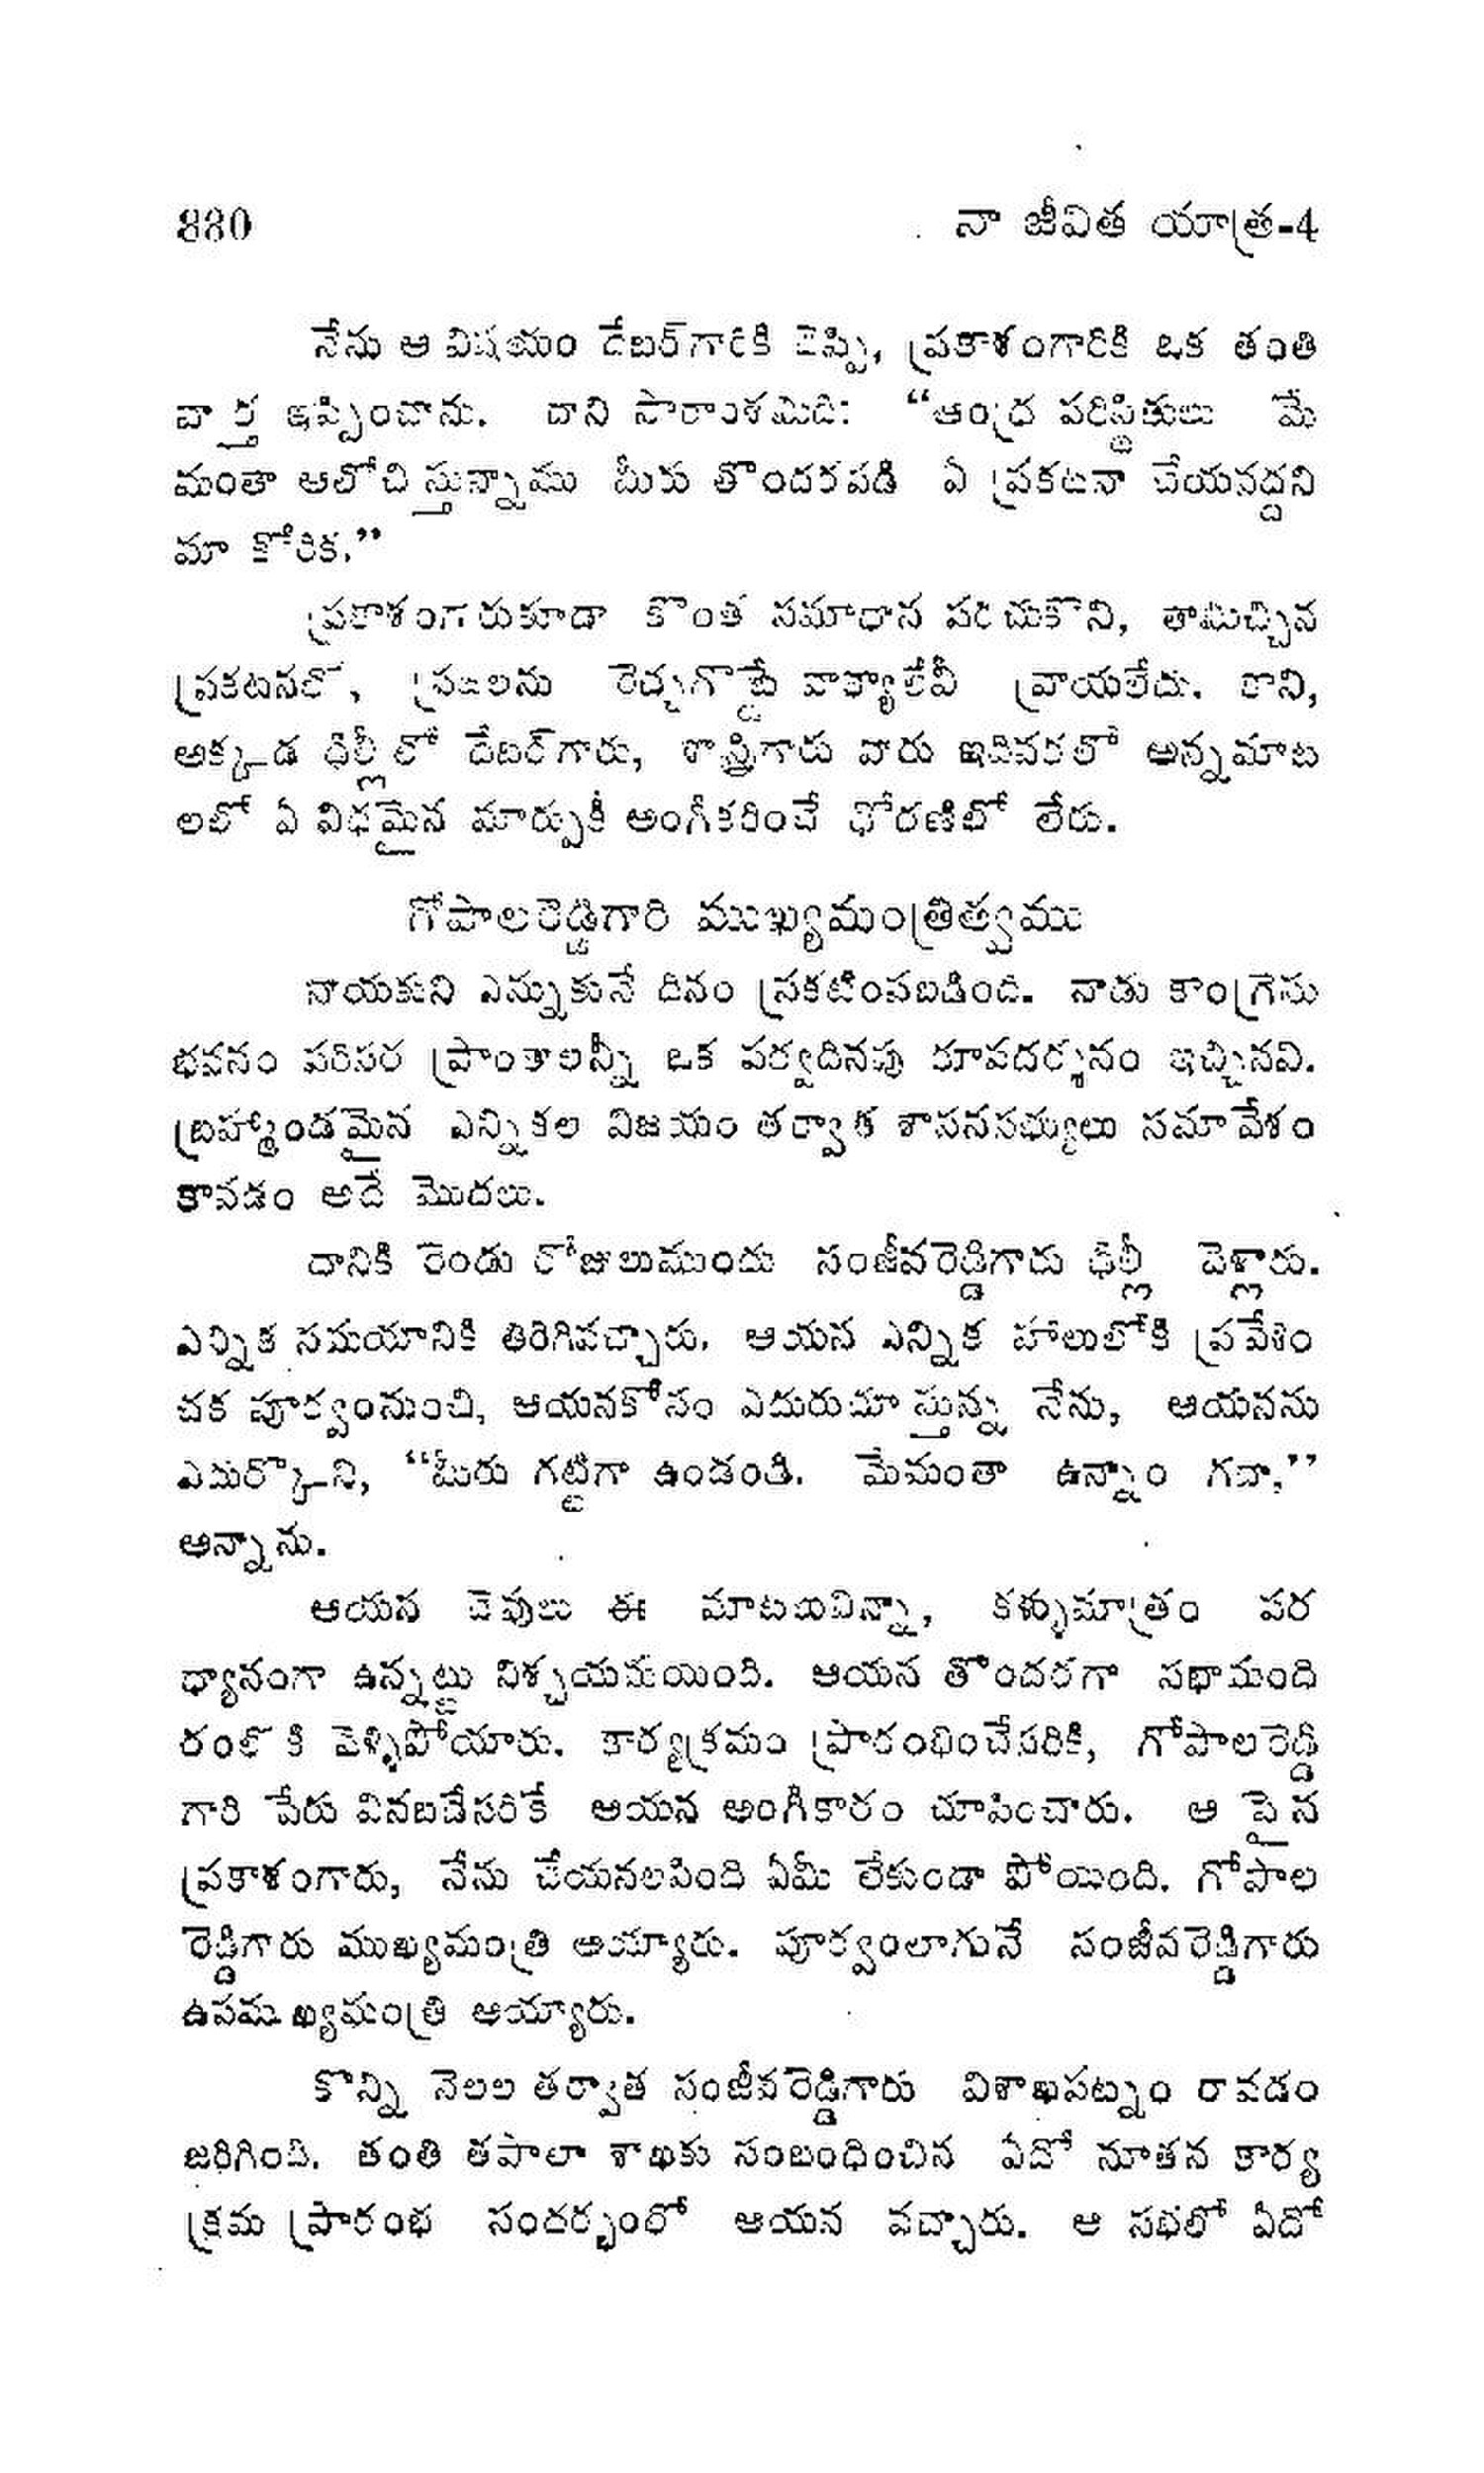నేను ఆ విషయం దేబర్‌గారికి చెప్పి, ప్రకాశంగారికి ఒక తంతివార్త ఇప్పించాను. దాని సారాంశ మిది: "ఆంధ్ర పరిస్థితులు మేమంతా ఆలోచిస్తున్నాము మీరు తొందరపడి ఏ ప్రకటనా చేయవద్దని మా కోరిక,"

ప్రకాశంగారుకూడా కొంత సమాధాన పరచుకొని, తామిచ్చిన ప్రకటనలో, ప్రజలను రెచ్చగొట్టే వాక్యాలేవీ వ్రాయలేదు. కాని, అక్కడ ఢిల్లీలో దేబర్‌గారు, శాస్త్రిగారు వారు ఇదివరలో అన్నమాటలలో ఏ విధమైన మార్పుకీ అంగీకరించే ధోరణిలో లేరు.

నాయకుని ఎన్నుకునే దినం ప్రకటింపబడింది. నాడు కాంగ్రెసు భవనం పరిసర ప్రాంతాలన్నీ ఒక పర్వదినపు రూపదర్శనం ఇచ్చినవి. బ్రహ్మాండమైన ఎన్నికల విజయం తర్వాత శాసనసభ్యులు సమావేశం కావడం అదే మొదలు.

దానికి రెండు రోజులుముందు సంజీవరెడ్డిగారు ఢిల్లీ వెళ్లారు. ఎన్నిక సమయానికి తిరిగివచ్చారు. ఆయన ఎన్నిక హాలులోకి ప్రవేశించక పూర్వంనుంచి, ఆయనకోసం ఎదురుచూస్తున్న నేను, ఆయనను ఎదుర్కొని, "మీరు గట్టిగా ఉండండి, మేమంతా ఉన్నాం గదా," అన్నాను.

ఆయన చెవులు ఈ మాటలువిన్నా, కళ్ళుమాత్రం పరధ్యానంగా ఉన్నట్టు నిశ్చయమయింది. ఆయన తొందరగా సభామందిరంలోకి వెళ్ళిపోయారు. కార్యక్రమం ప్రారంభించేసరికి, గోపాలరెడ్డిగారి పేరు వినబడేసరికే ఆయన అంగీకారం చూపించారు. ఆ పైన ప్రకాశంగారు, నేను చేయవలసింది ఏమీ లేకుండా పోయింది. గోపాలరెడ్డిగారు ముఖ్యమంత్రి అయ్యారు. పూర్వంలాగునే సంజీవరెడ్డిగారు ఉపముఖ్యమంత్రి అయ్యారు.

కొన్ని నెలల తర్వాత సంజీవరెడ్డిగారు విశాఖపట్నం రావడం జరిగింది. తంతి తపాలా శాఖకు సంబంధించిన ఏదో నూతన కార్యక్రమ ప్రారంభ సందర్భంలో ఆయన వచ్చారు. ఆ సభలో ఏదో